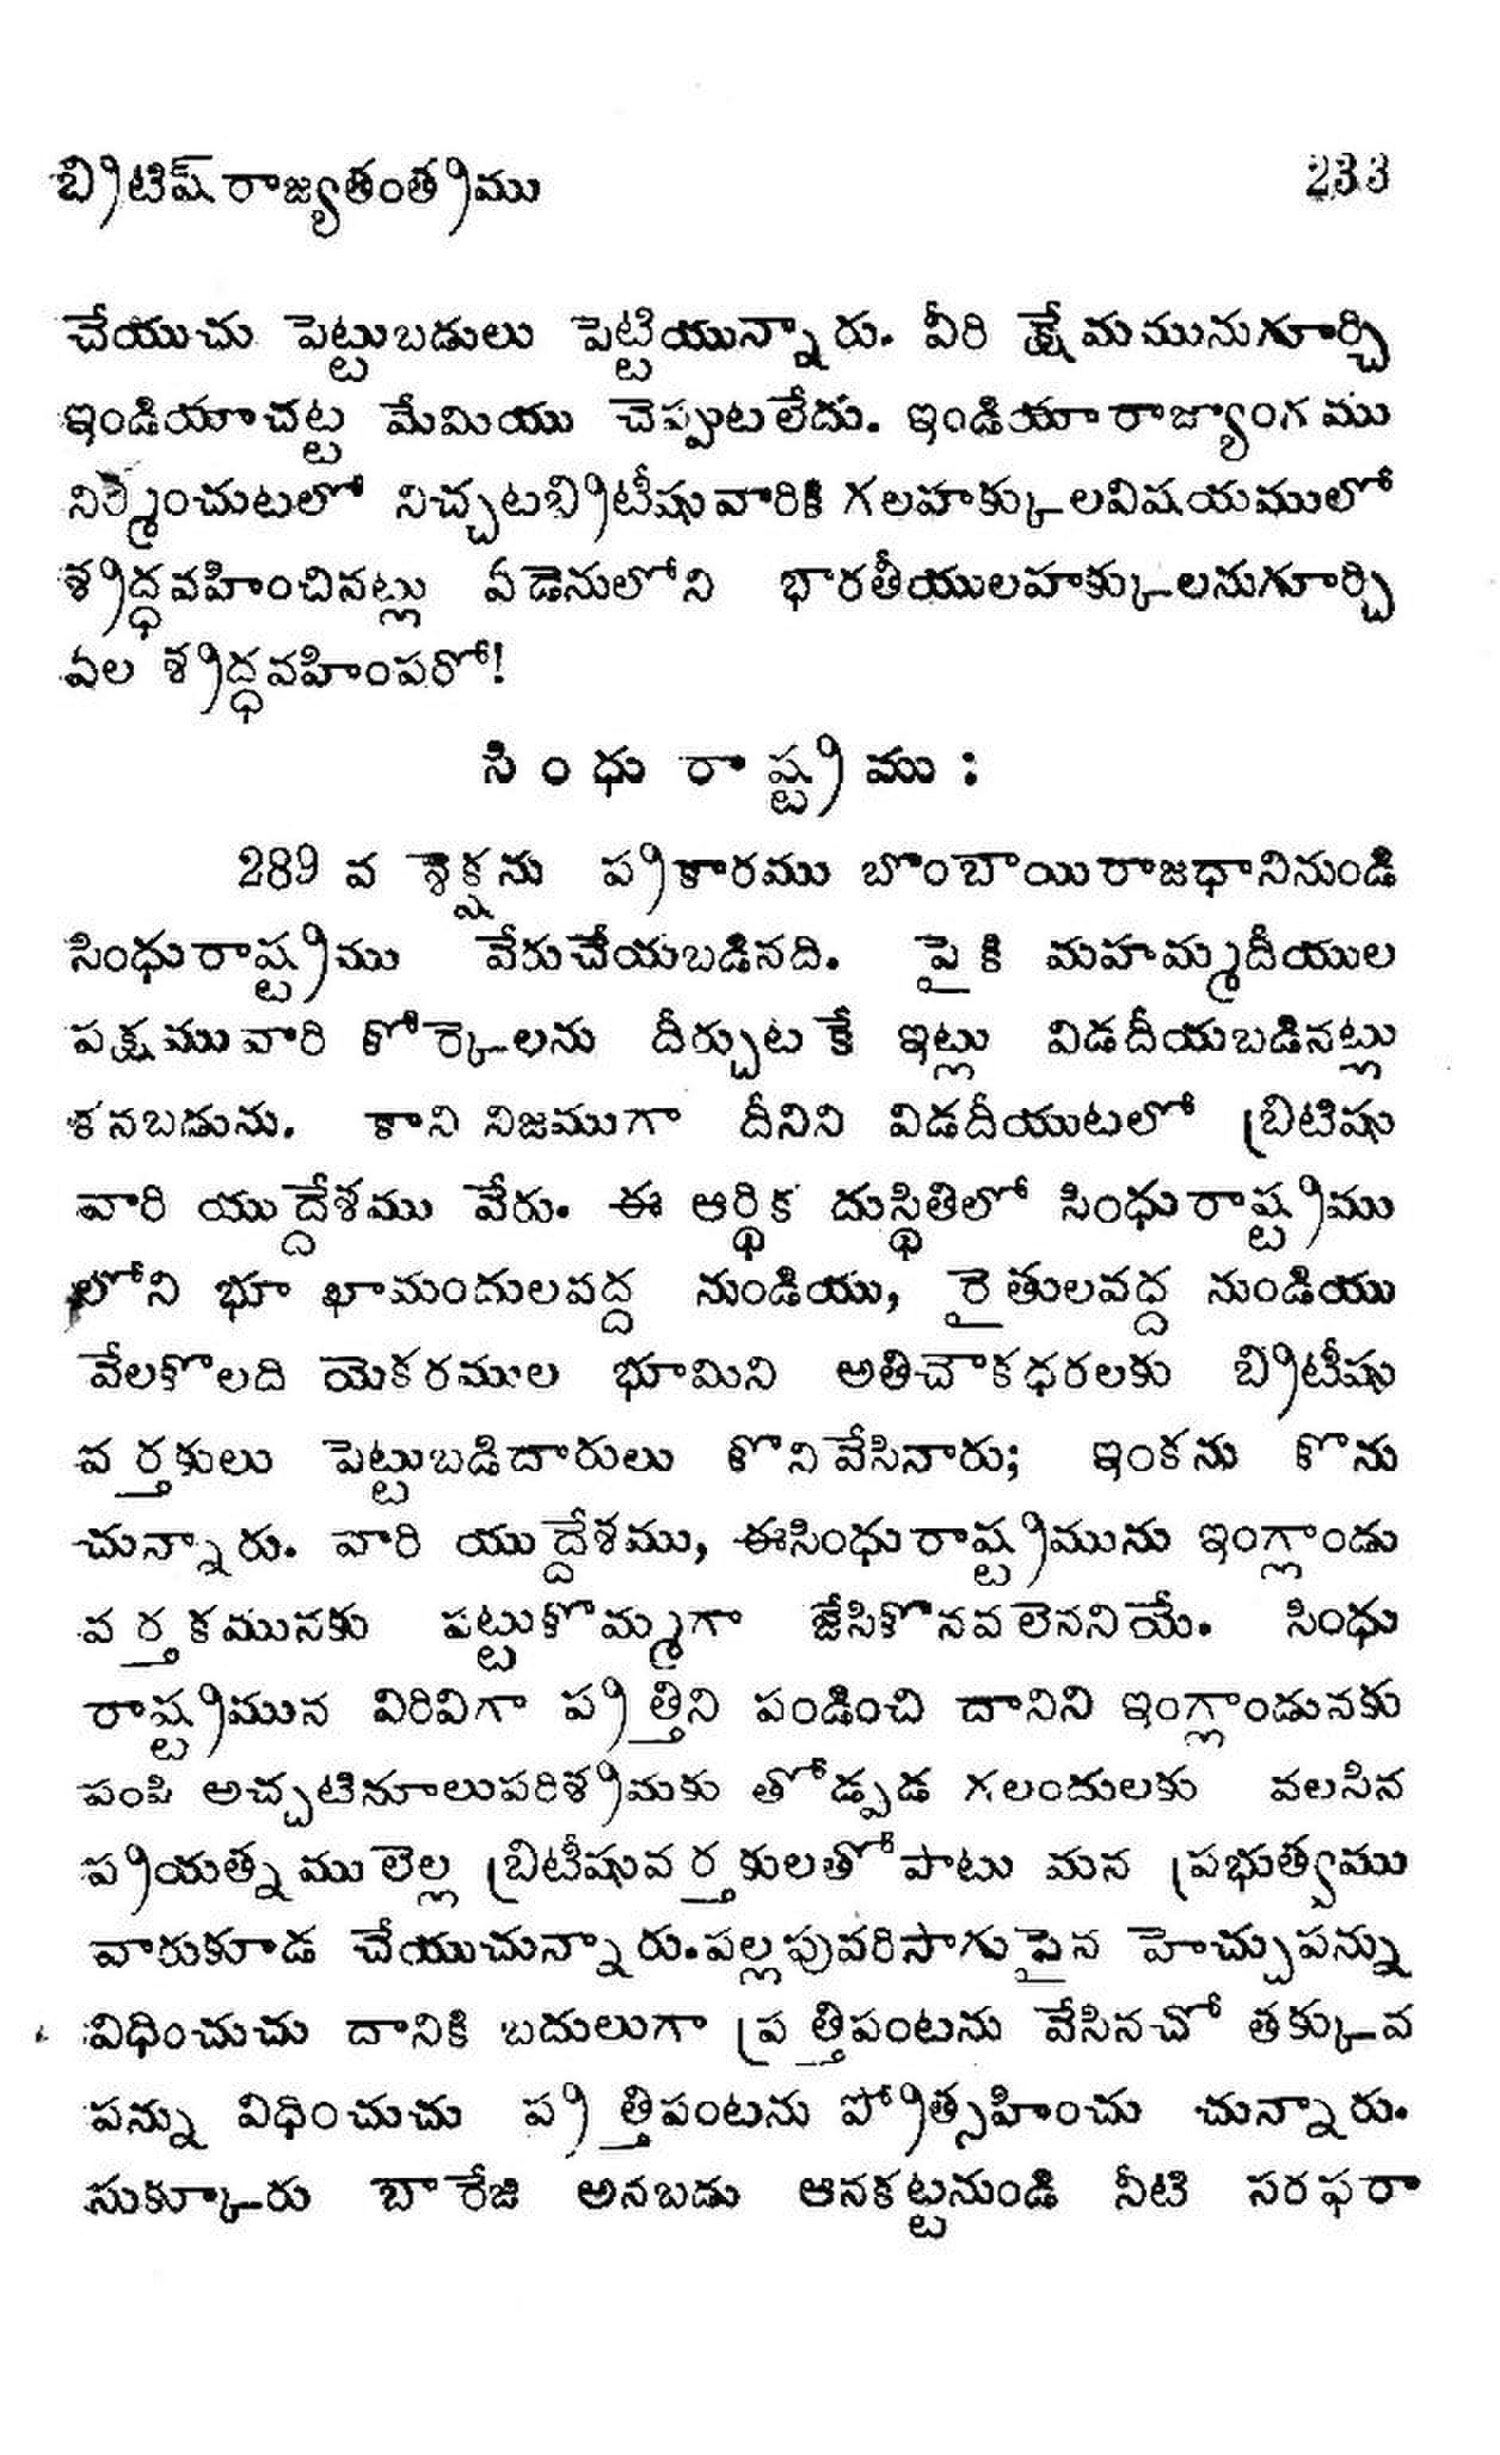చేయుచు పెట్టుబడులు పెట్టియున్నారు. వీరి క్షేమమునుగూర్చి ఇండియాచట్ట మేమియు చెప్పుటలేదు. ఇండియారాజ్యాంగము నిర్మించుటలో నిచ్చటబ్రిటీషువారికి గలహక్కులవిషయములో శ్రద్దవహించినట్లు ఏడెనులోని భారతీయులహక్కులనుగూర్చి ఏల శ్రద్ధవహింపరో!

సింధు రాష్ట్రము: 

289 వ శెక్షను ప్రకారము బొంబాయిరాజధానినుండి సింధురాష్ట్రము వేరుచేయబడినది. పైకి మహమ్మదీయులపక్షము వారి కోర్కెలను దీర్చుటకే ఇట్లు విడదీయబడినట్లు కనబడును. కాని నిజముగా దీనిని విడదీయుటలో బ్రిటిషువారి యుద్దేశము వేరు. ఈ ఆర్థిక దుస్థితిలో సింధురాష్ట్రములోని భూ ఖామందులవద్ద నుండియు, రైతులవద్ద నుండియు వేలకొలది యెకరముల భూమిని అతిచౌకధరలకు బ్రిటీషువర్తకులు పెట్టుబడిదారులు కొనివేసినారు; ఇంకను కొనుచున్నారు. వారి యుద్దేశము, ఈసింధురాష్ట్రమును ఇంగ్లాండు వర్తకమునకు పట్టుకొమ్మగా జేసికొనవలెననియే. సింధురాష్ట్రమున విరివిగా ప్రత్తిని పండించి దానిని ఇంగ్లాండునకు పంపి అచ్చటినూలుపరిశ్రమకు తోడ్పడ గలందులకు వలసిన ప్రయత్నములెల్ల బ్రిటీషువర్తకులతోపాటు మన ప్రభుత్వమువారుకూడ చేయుచున్నారు. పల్లపువరిసాగుపైన హెచ్చుపన్ను విధించుచు దానికి బదులుగా ప్రత్తిపంటను వేసినచో తక్కువపన్ను విధించుచు ప్రత్తిపంటను ప్రోత్సహించు చున్నారు. సుక్కూరు బారేజి అనబడు ఆనకట్టనుండి నీటి సరఫరా